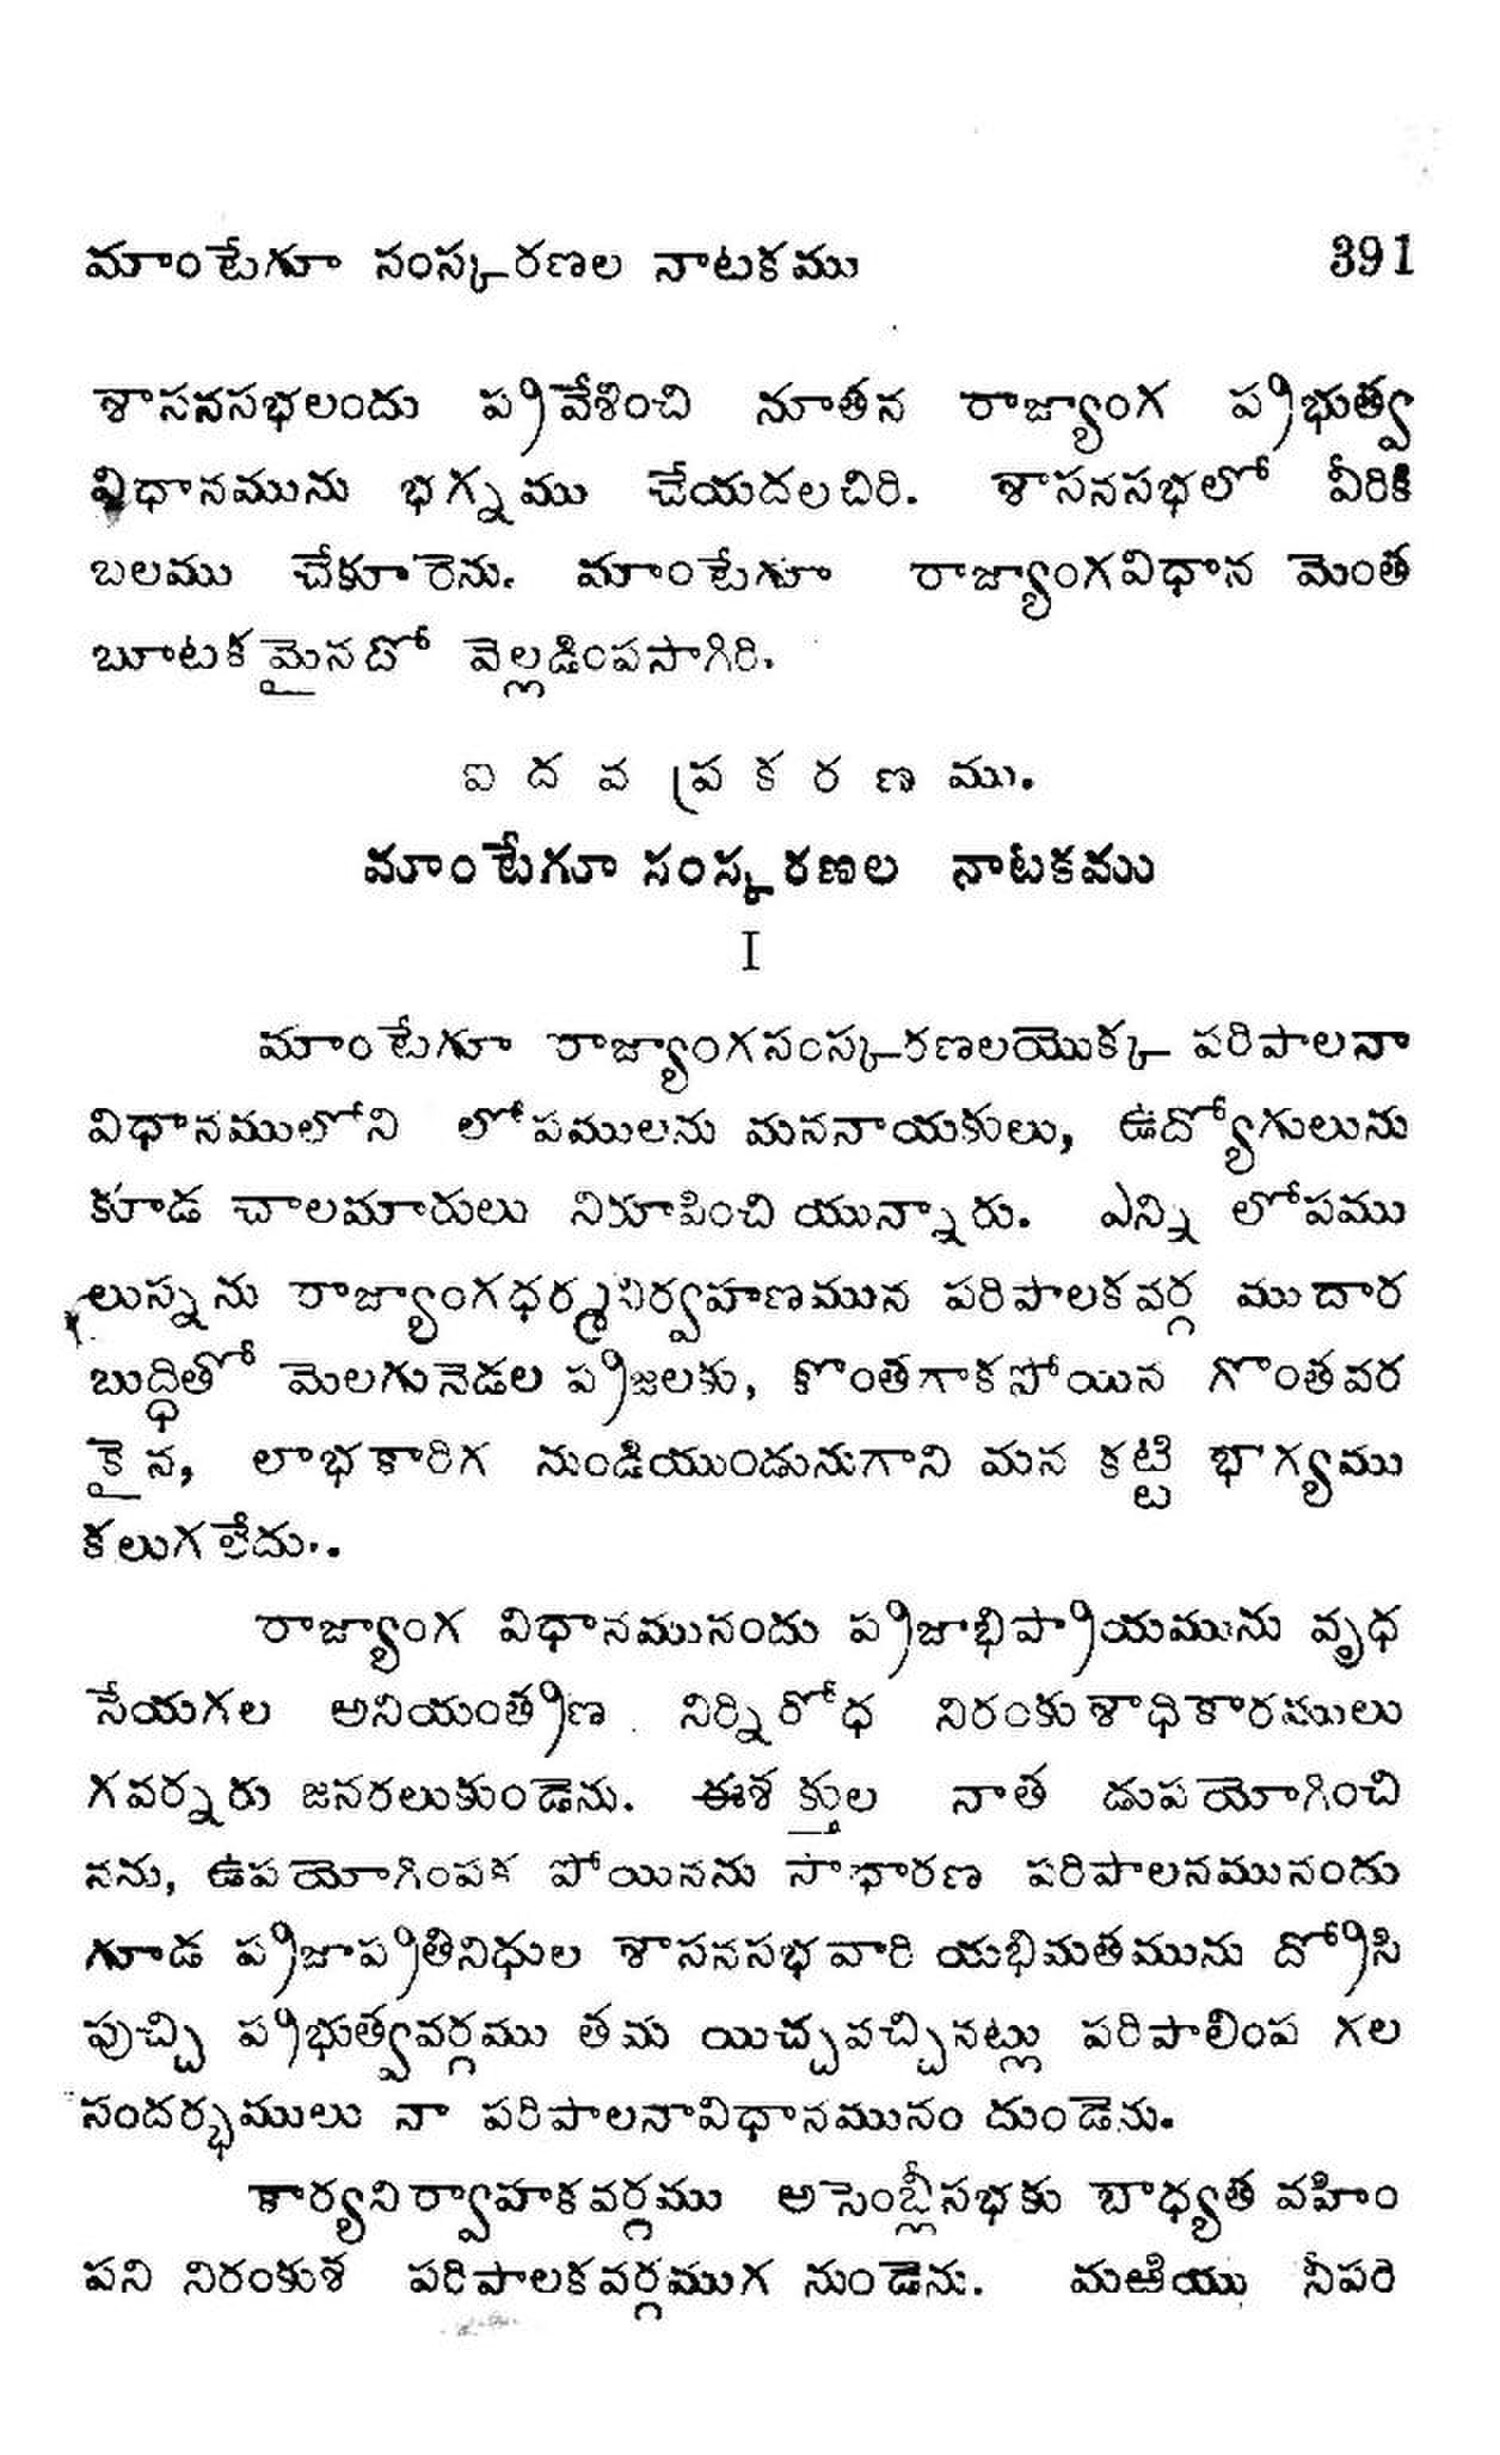శాసనసభలందు ప్రవేశించి నూతన రాజ్యాంగ ప్రభుత్వ విధానమును భగ్నము చేయదలచిరి. శాసనసభలో వీరికి బలము చేకూరెను. మాంబేగూ రాజ్యాంగవిధాన మెంత బూటకమైనదో వెల్లడింపసాగిరి.

ఐదవ ప్రకరణము. 
మాంటేగూ సంస్కరణల నాటకము
I

మాంటేగూ రాజ్యాంగసంస్కరణలయొక్క పరిపాలనా విధానములోని లోపములను మననాయకులు, ఉద్యోగులును కూడ చాలమారులు నిరూపించి యున్నారు. ఎన్ని లోపములున్నను రాజ్యాంగధర్మనిర్వహణమున పరిపాలకవర్గ ముదారబుద్ధితో మెలగునెడల ప్రజలకు, కొంతగాకసోయిన గొంత వరకైన, లాభ కారిగ నుండియుండునుగాని మన కట్టి భాగ్యము కలుగలేదు..

రాజ్యాంగ విధానమునందు ప్రజాభిప్రాయమును వృధసేయగల అనియంత్రణ నిర్నిరోధ నిరంకుశాధికారములు గవర్నరు జనరలుకుండెను. ఈశక్తుల నాత డుపయోగించినను, ఉపయోగింపక పోయినను సాధారణ పరిపాలనమునందు గూడ ప్రజాప్రతినిధుల శాసనసభవారి యభిమతమును ద్రోసిపుచ్చి ప్రభుత్వవర్గము తమ యిచ్చవచ్చినట్లు పరిపాలింప గల సందర్భములు నా పరిపాలనావిధానమునం దుండెను.

కార్యనిర్వాహకవర్గము అసెంబ్లీసభకు బాధ్యతవహింపని నిరంకుశ పరిపాలకవర్గముగ నుండెను. మఱియు నీపరి